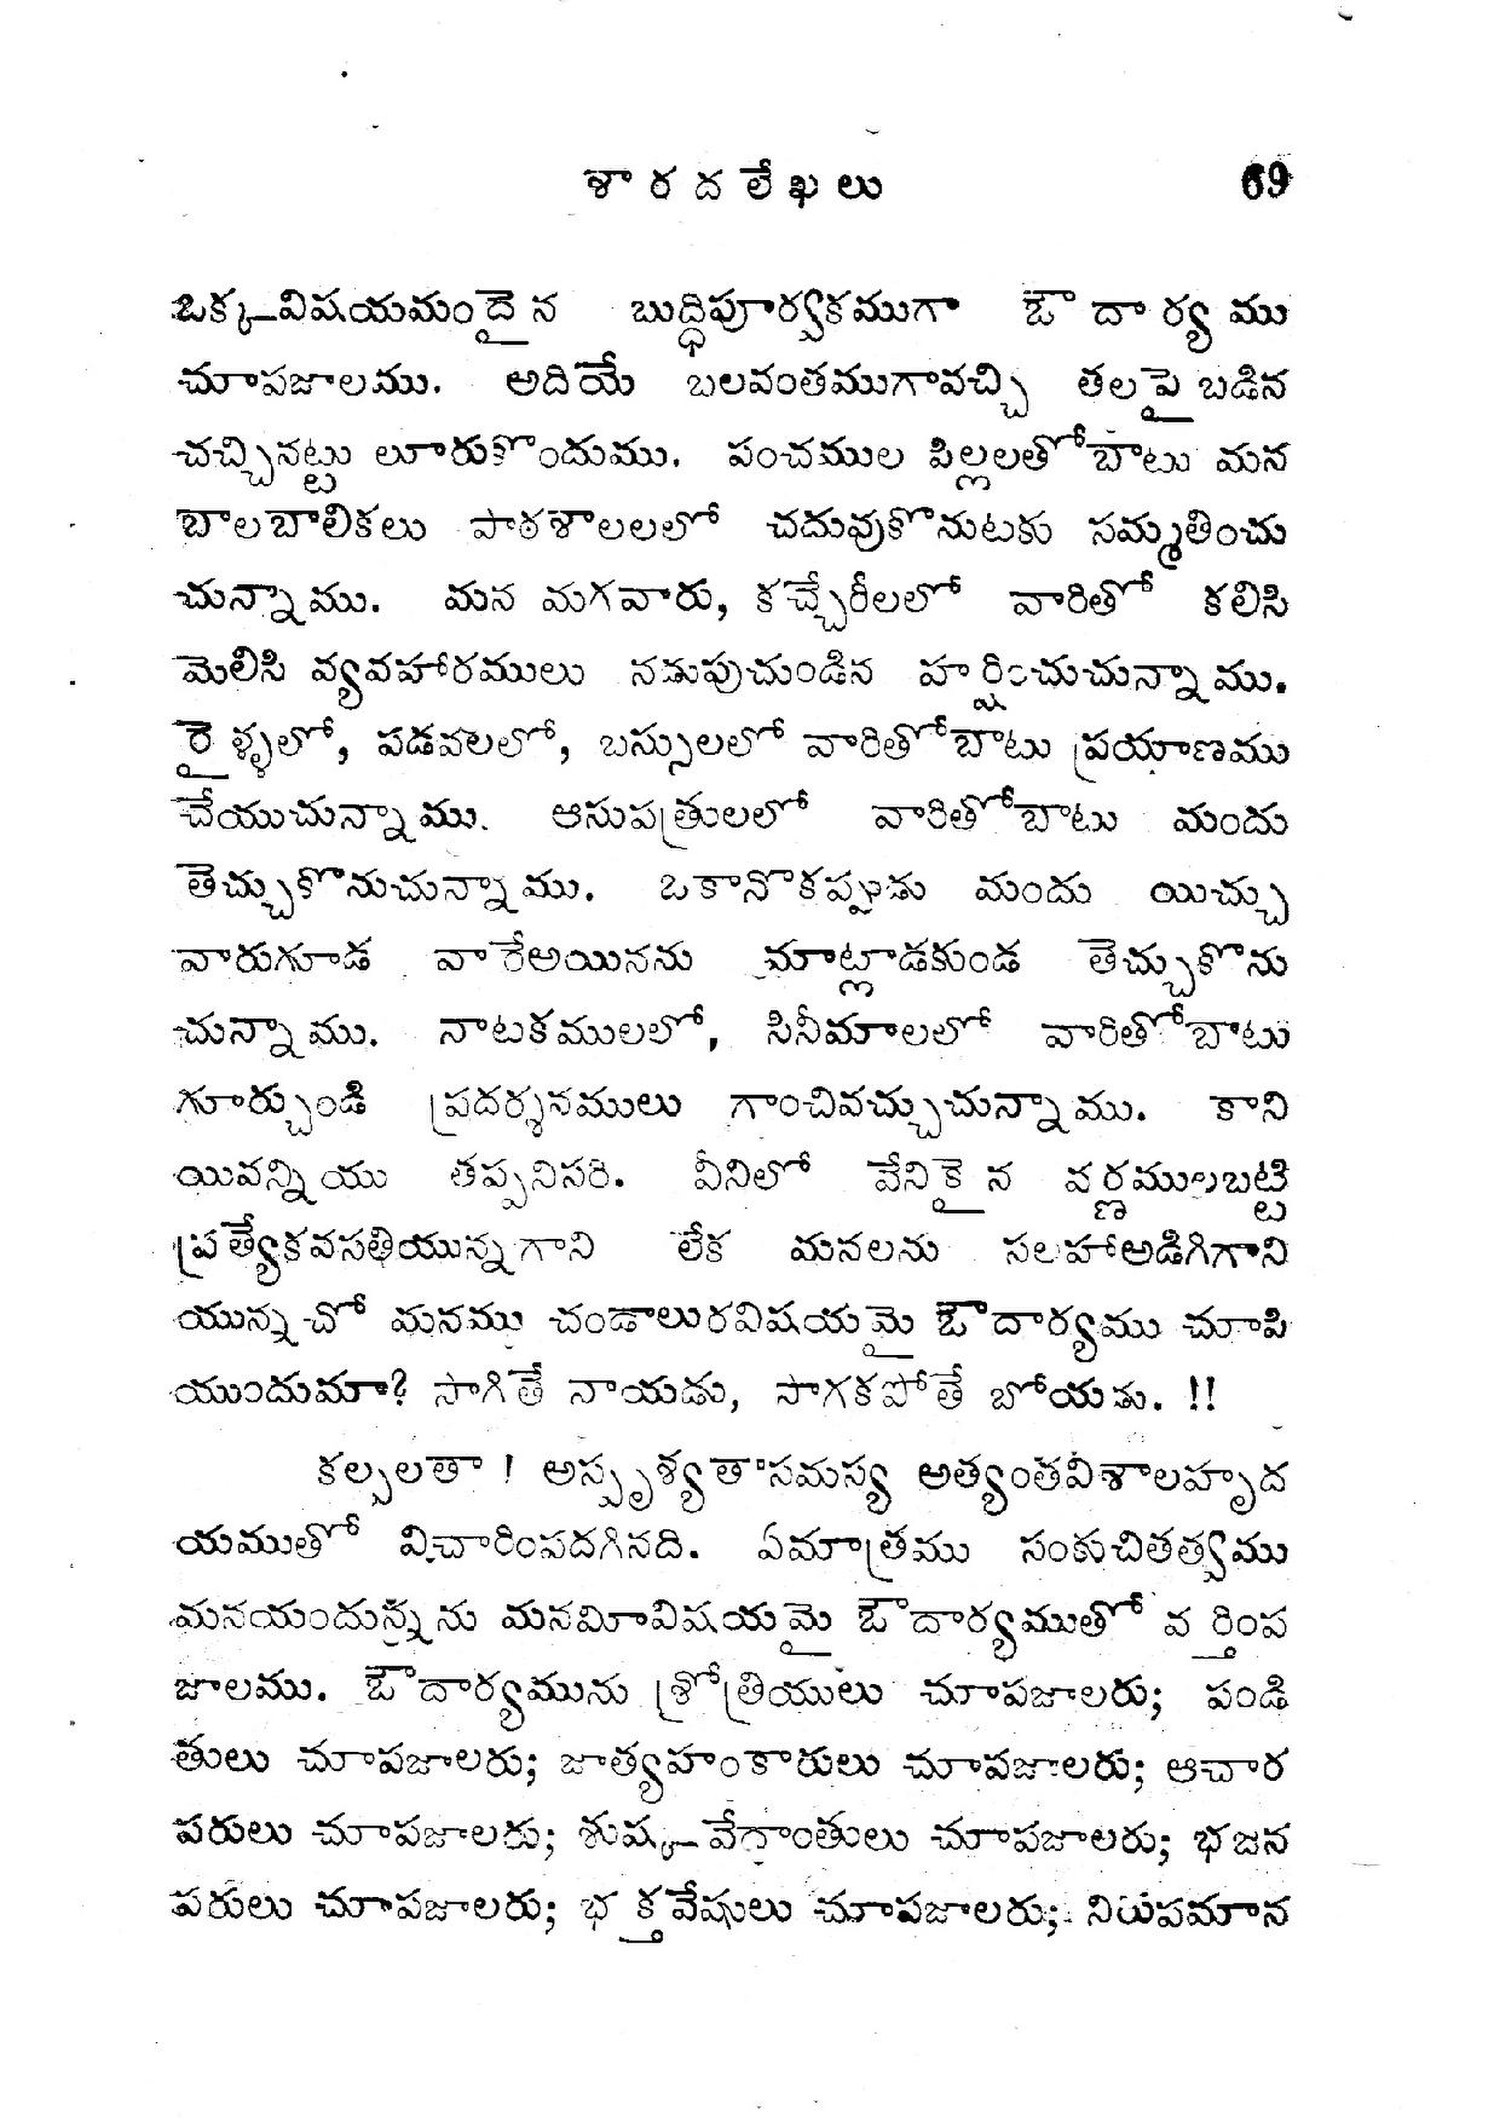ఒక్క విషయమందైన బుద్ధిపూర్వకముగా ఔదార్యము 
చూపజాలము.అదియే బలవంతముగావచ్చి తలపై బడిన
చచ్చినట్టు లూరుకొందుము.పంచముల పిల్లలతోబాటుమన 
బాలబాలికలు పాఠశాలలలో చదువుకొనుటకుసమ్మతించు
చున్నాము. మన మగవారు, కచ్చేరీలలో వారితో కలిసి
మెలిసి వ్యవహారములు నడుపుచుండిన హర్షించుచున్నాము.
రైళ్ళలో, పడవలలో, బస్సులలో వారితో బాటు ప్రయాణము
చేయుచున్నాము. ఆసుపత్రులలో వారితో బాటు మందు
తెచ్చుకొనుచున్నాము. ఒకానొకప్పుడు మందు యిచ్చు
వారుగూడ వారేఅయినను మాట్లాడకుండ తెచ్చుకొను
చున్నాము. నాటకములలో, సినీమాలలో వారితోబాటు
గూర్చుండి ప్రదర్శనములు గాంచివచ్చుచున్నాము. కాని
యివన్నియు తప్పనిసరి. వీనిలో వేనికైన వర్ణములబట్టి
ప్రత్యేక వసతియున్నగాని `లేక మనలను సలహా అడిగిగాని
యున్నచో మనము చండాలుర విషయమై ఔదార్యము చూపి
యుందుమా? సాగితే నాయడు, సాగకపోతే బోయడు. !!

కల్పలతా ! అస్పృశ్యతాసమస్య అత్యంత విశాలహృద
యముతో విచారింపదగినది. ఏమాత్రము సంకుచితత్వము
మనయందున్నను మనమీవిషయమై ఔదార్యముతో వర్తింప
జాలము. ఔదార్యమును శ్రోత్రియులు చూపజాలరు; పండి
తులు చూపజాలరు; జాత్యహంకారులు చూపజాలరు; ఆచార
పరులు చూపజాలరు; శుష్క వేదాంతులు చూపజాలరు; భజన
పరులు చూపజాలరు; భక్తవేషులు చూపజాలరు;. నిరుపమాన